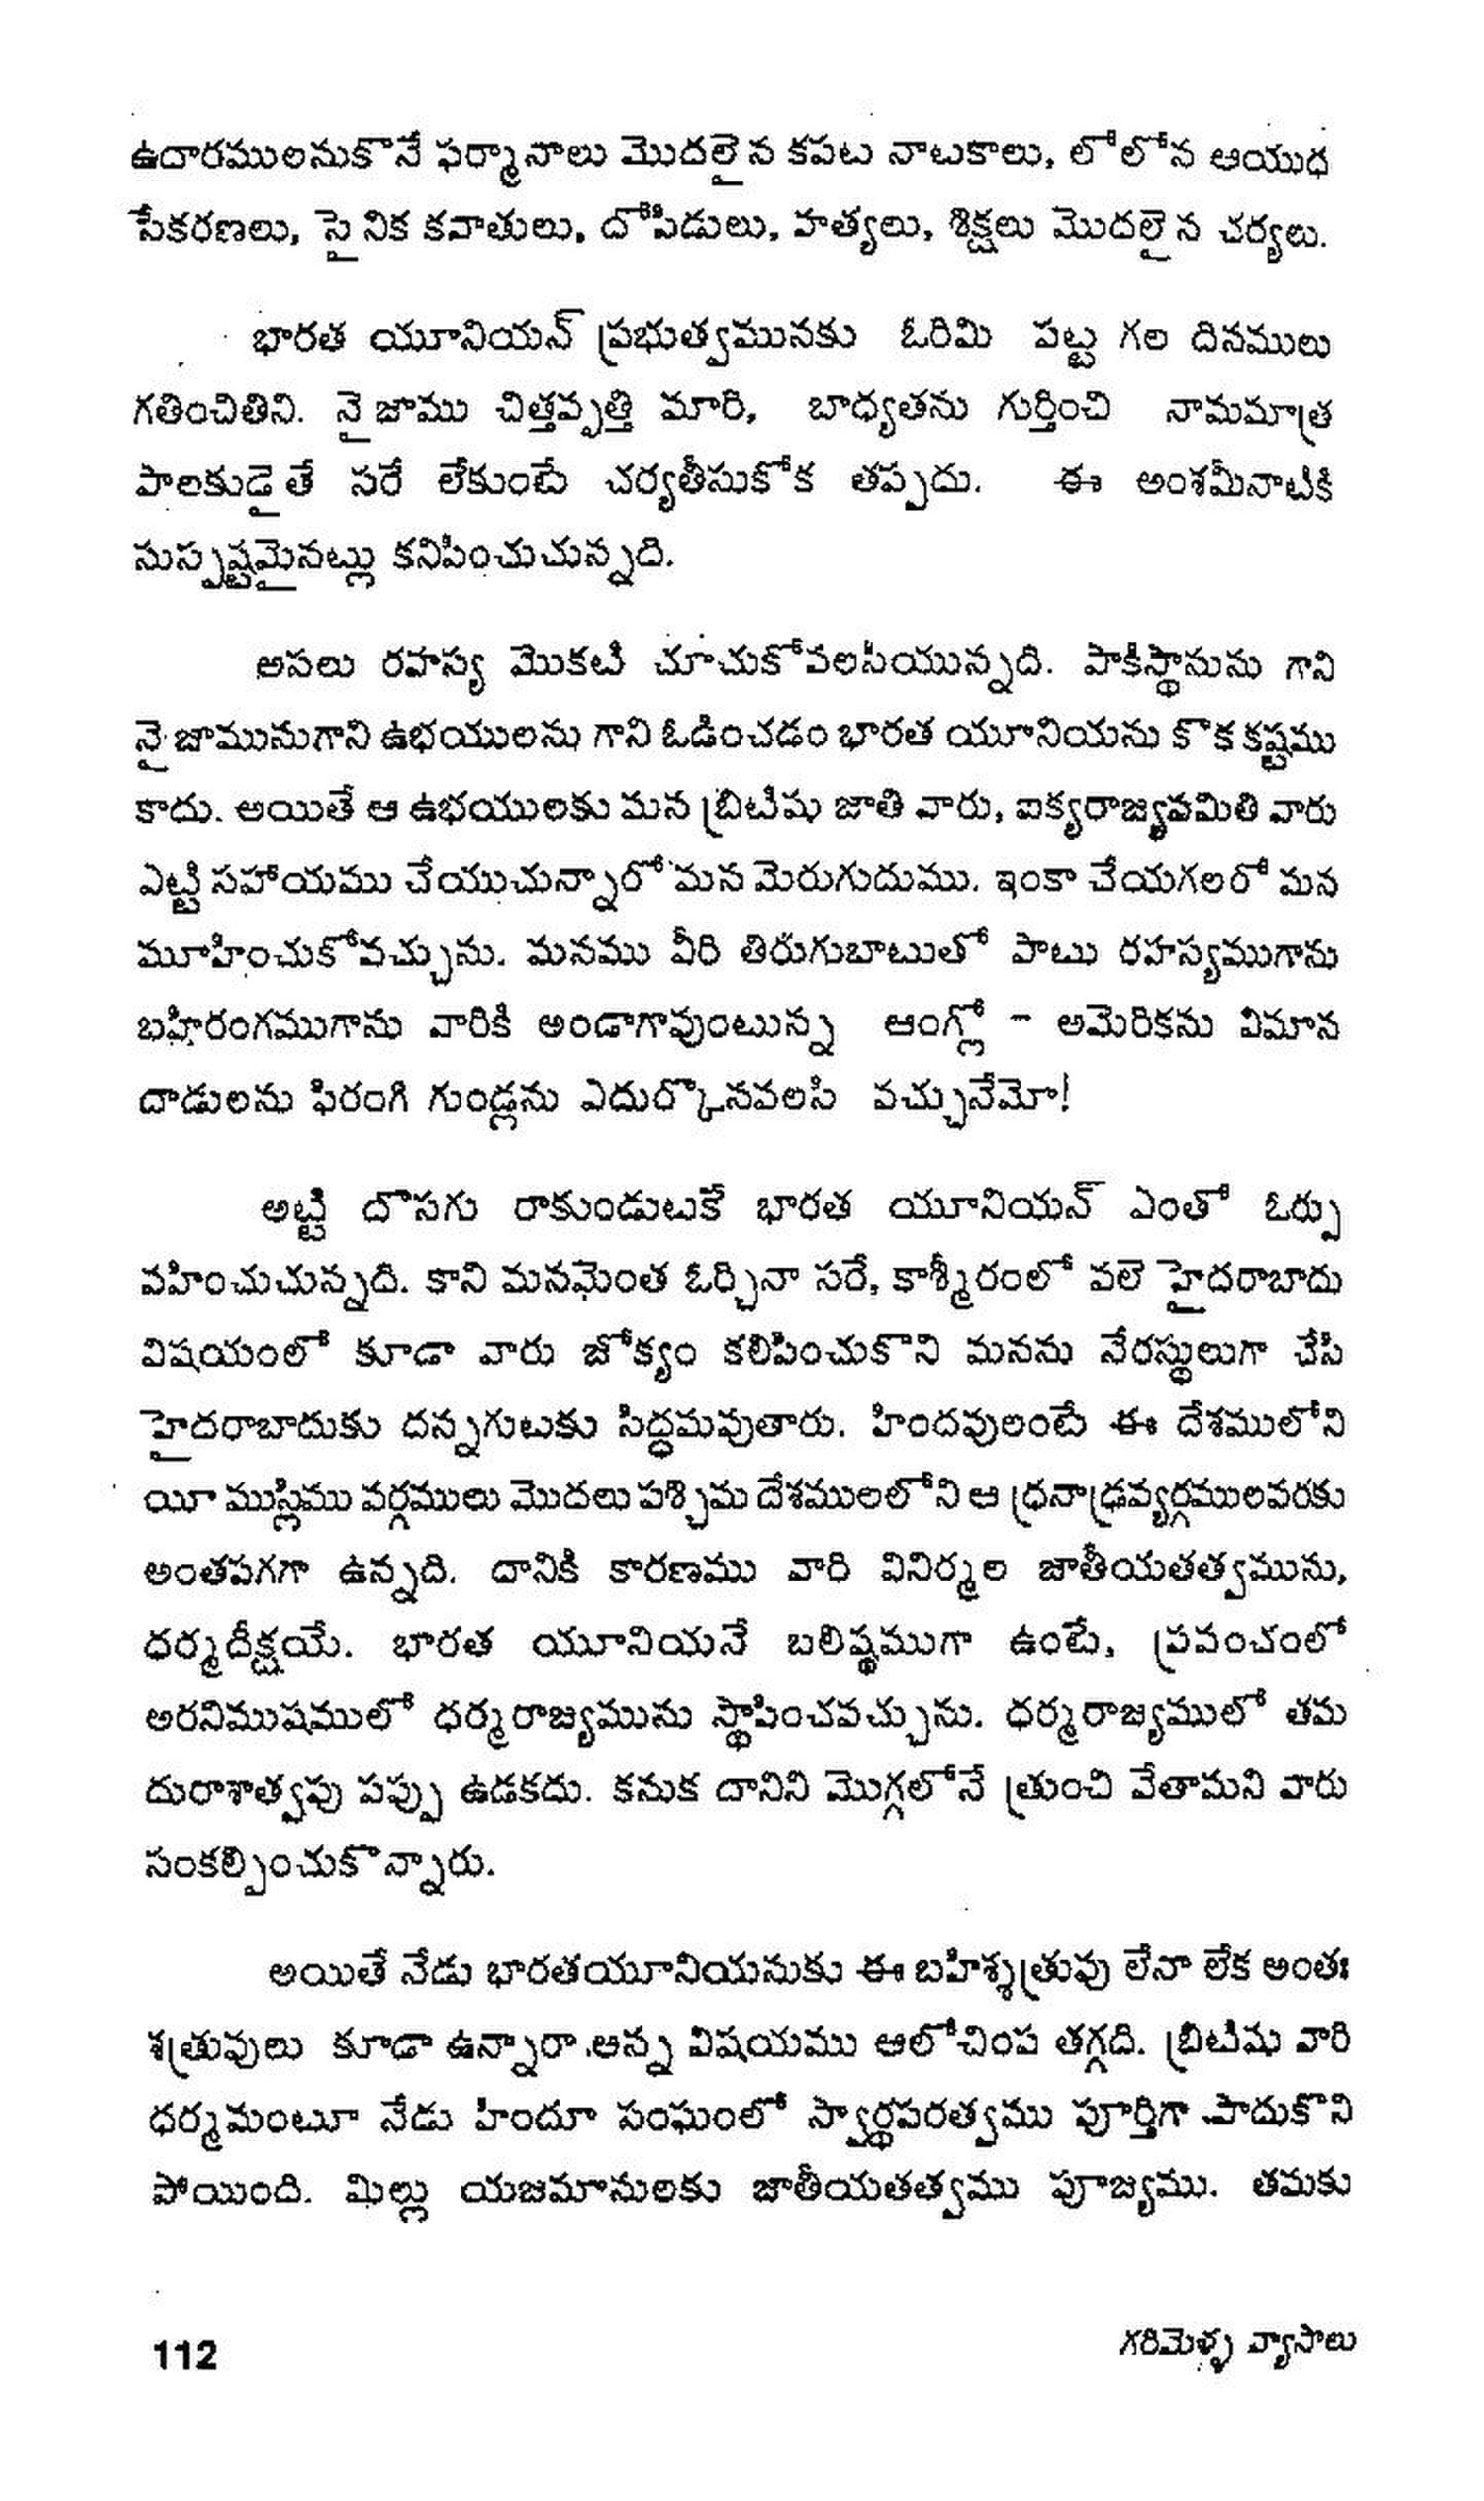ఉదారములనుకొనే ఫర్మానాలు మొదలైన కపట నాటకాలు, లోలోన ఆయుధ సేకరణలు, సైనిక కవాతులు, దోపిడీలు, హత్యలు, శిక్షలు మొదలైన చర్యలు.

భారత యూనియన్ ప్రభుత్వమునకు ఓరిమి పట్ట గల దినములు గతించితిని. నైజాము చిత్తవృత్తి మారి, బాధ్యతను గుర్తించి నామమాత్ర పాలకుడైతే సరే లేకుంటే చర్యతీసుకోక తప్పదు. ఈ అంశమీనాటికి సుస్పష్టమైనట్లు కనిపించుచున్నది.

అసలు రహస్య మొకటి చూచుకోవలసియున్నది. పాకిస్థానును గాని నైజామునుగాని ఉభయులను గాని ఓడించడం భారత యూనియను కొక కష్టము కాదు. అయితే ఆ ఉభయులకు మన బ్రిటిషు జాతి వారు, ఐక్యరాజ్యసమితివారు ఎట్టిసహాయము చేయుచున్నారో మన మెరుగుదుము. ఇంకా చేయగలరో మన మూహించుకోవచ్చును. మనము వీరి తిరుగుబాటుతో పాటు రహస్యముగాను బహిరంగముగాను వారికి అండగావుంటున్న ఆంగ్లో - అమెరికను విమాన దాడులను ఫిరంగి గుండ్లను ఎదుర్కొనవలసి వచ్చునెమో!

అట్టి దొసగు రాకుండుటకే భారత యూనియన్ ఎంతో ఓర్పు వహించుచున్నది. కాని మనమెంత ఓర్చినా సరే, కాశ్మీరంలో వలె హైదరాబాదు విషయంలో కూడా వారు జోక్యం కలిపించుకొని మనను నేరస్థులుగా చేసి హైదరాబాదుకు దన్నగుటకు సిద్ధమవుతారు. హిందువులంటే ఈ దేశములోని యీ ముస్లిము వర్గములు మొదలు పశ్చిమదేశములలోని అధ్రనాడ్రవ్యర్గములవరకు అంతపగగా ఉన్నది. దానికి కారణము వారి వినిర్మల జాతీయతత్వమును, ధర్మదీక్షయే. భారత యూనియనే బలిష్ఠముగా ఉంటే, ప్రపంచంలో అరనిమిషములో ధర్మరాజ్యమును స్థాపించవచ్చును. ధర్మరాజ్యములో తమ దురాశత్వపు పప్పు ఉడకదు. కనుక దానిని మొగ్గలోనే త్రుంచి వేతామని వారు సకల్పించుకొన్నారు.

అయితే నేడు భారతయూనియనుకు ఈ బహిశ్శత్రువు లేనా లేక అంతః శత్రువులు కూడా ఉన్నారా అన్న విషయము ఆలోచింప తగ్గది. బ్రిటిషు వారి ధర్మమంటూ నేడు హిందూ సంఘంలో స్వార్థపరత్వము పూర్తిగా పాదుకొని పోయింది. మిల్లు యజమానులకు జాతీయతత్వము పూజ్యము. తమకు